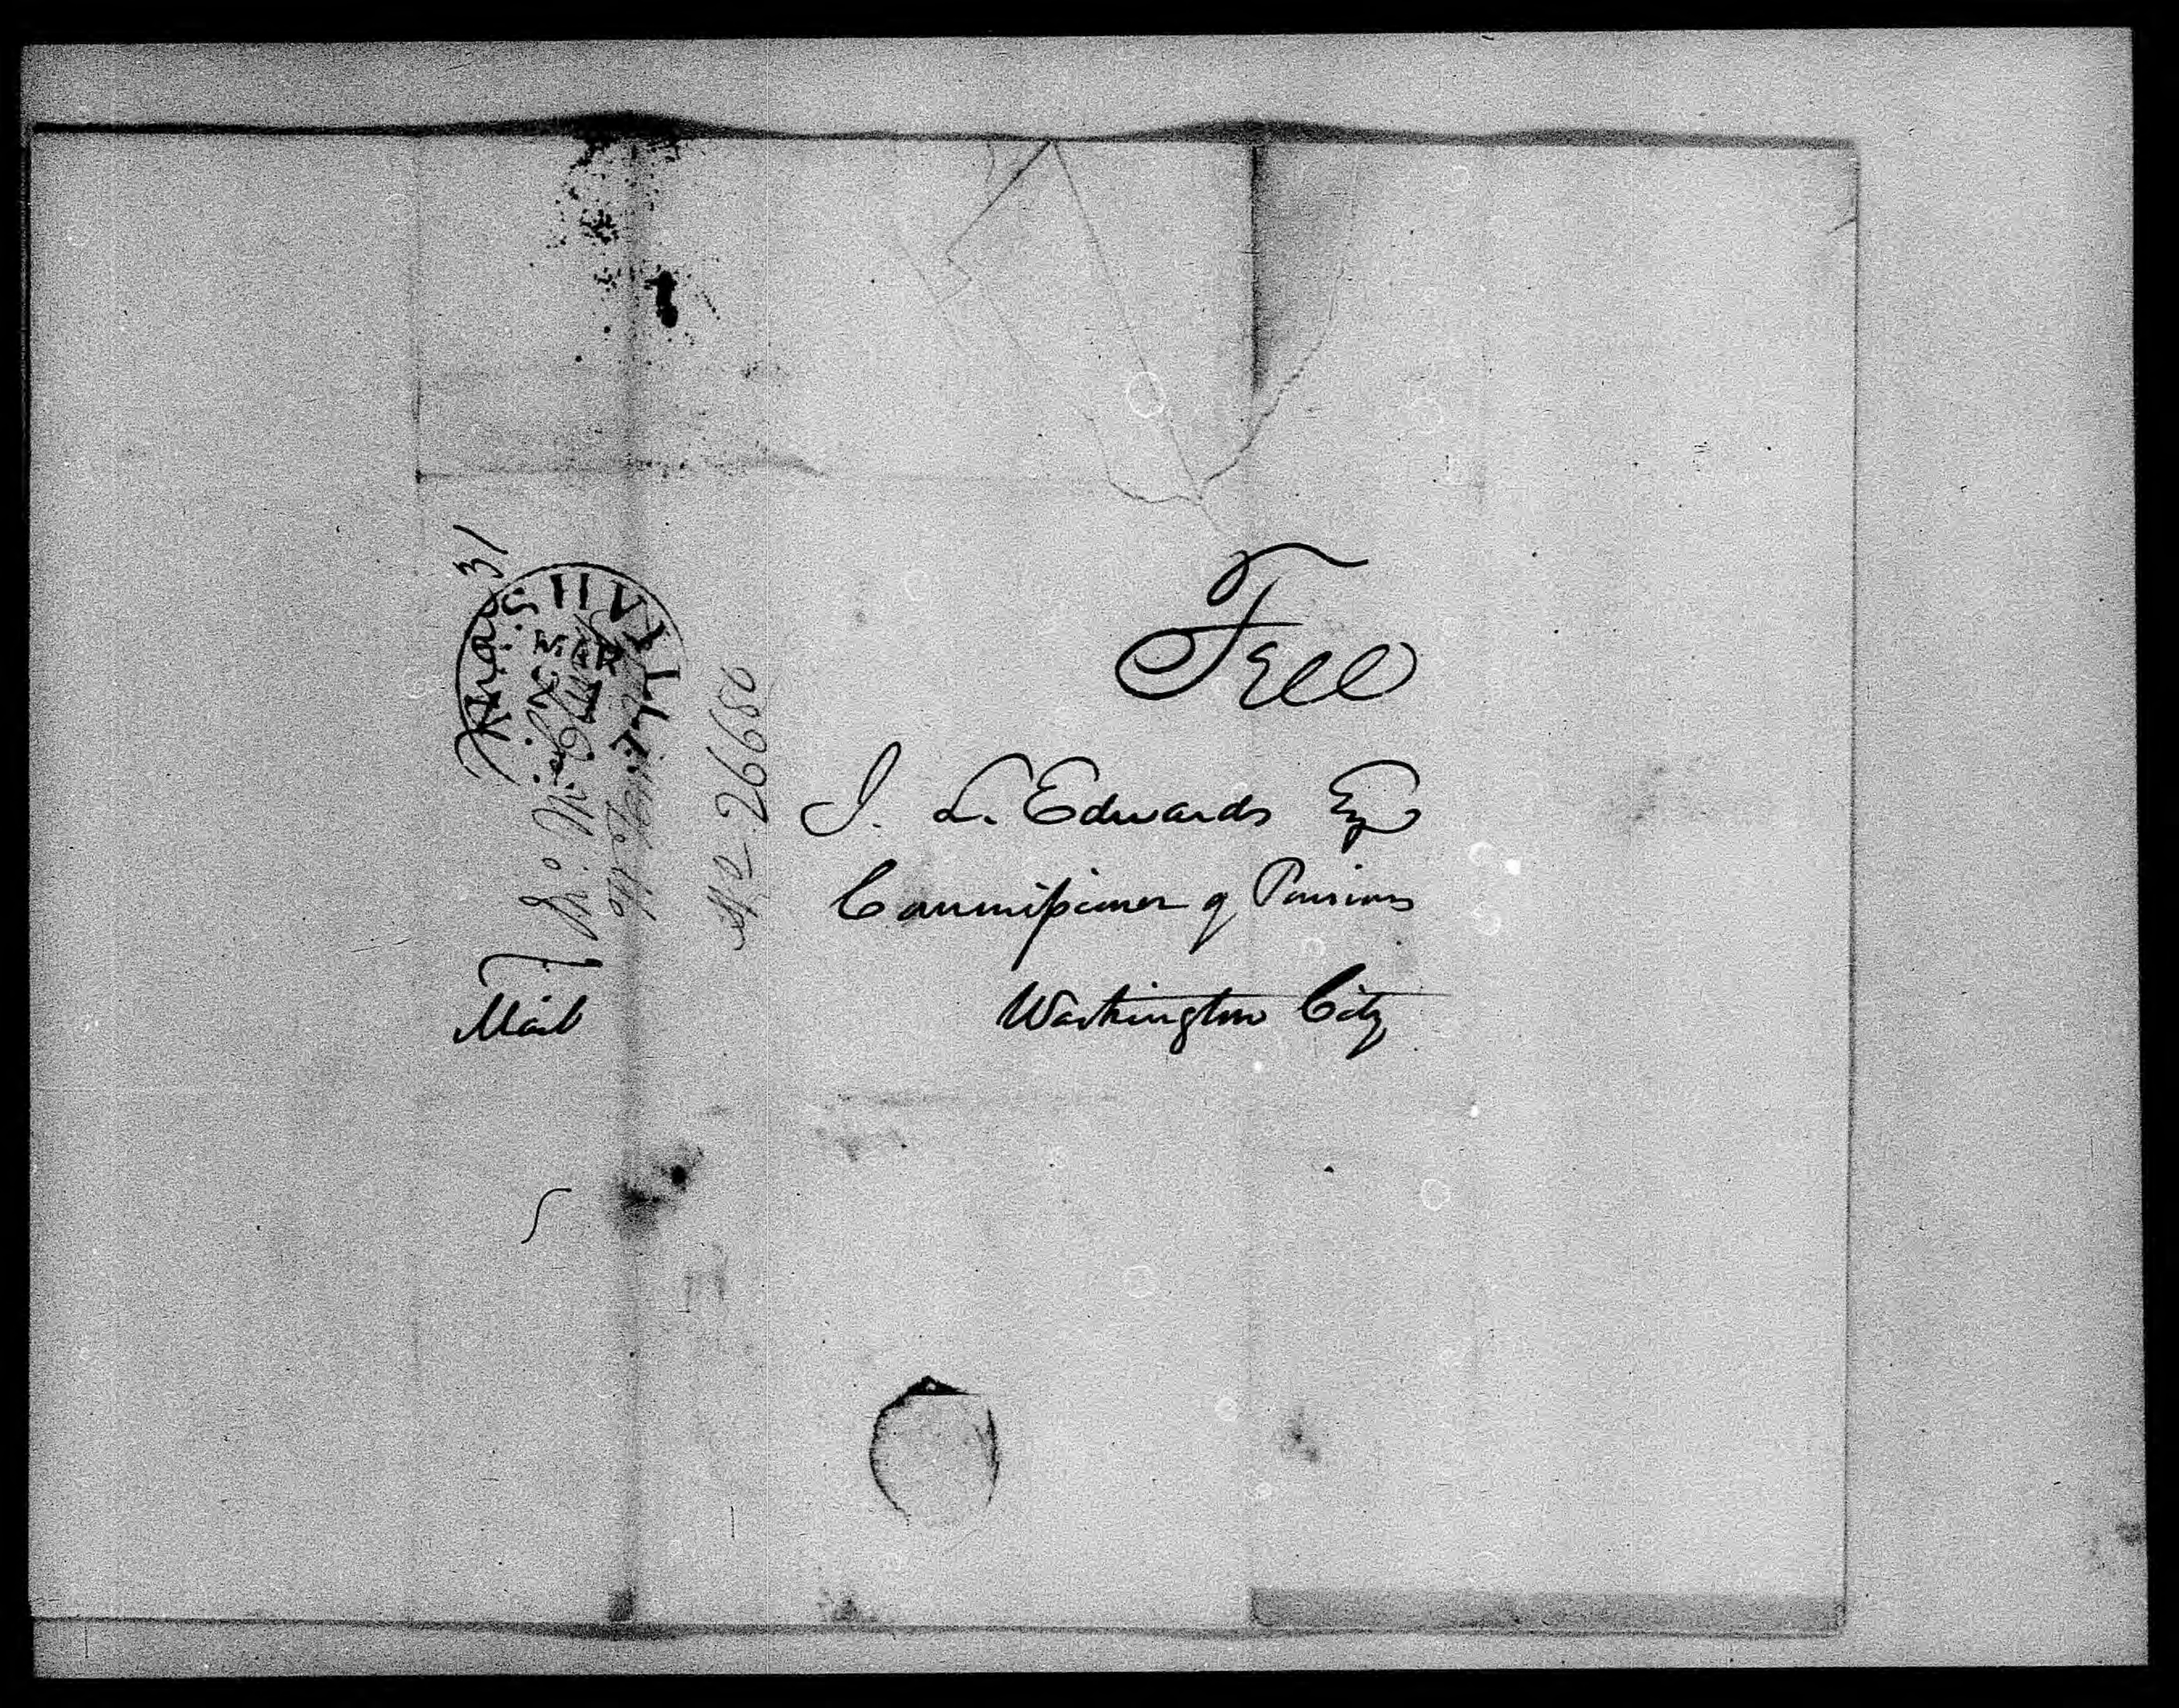[envelope]
[postmark]
NASHVILLE
MAR 21

free
J.L. Edwards
Commissioner of Pensions
Washington City

Mr McClung
of Tennessee
No. 26680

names: Jno Mc Clung; J L Edwards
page: 92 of 115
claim: widow's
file: W. 1446, for John Mc Clung, South Carolina